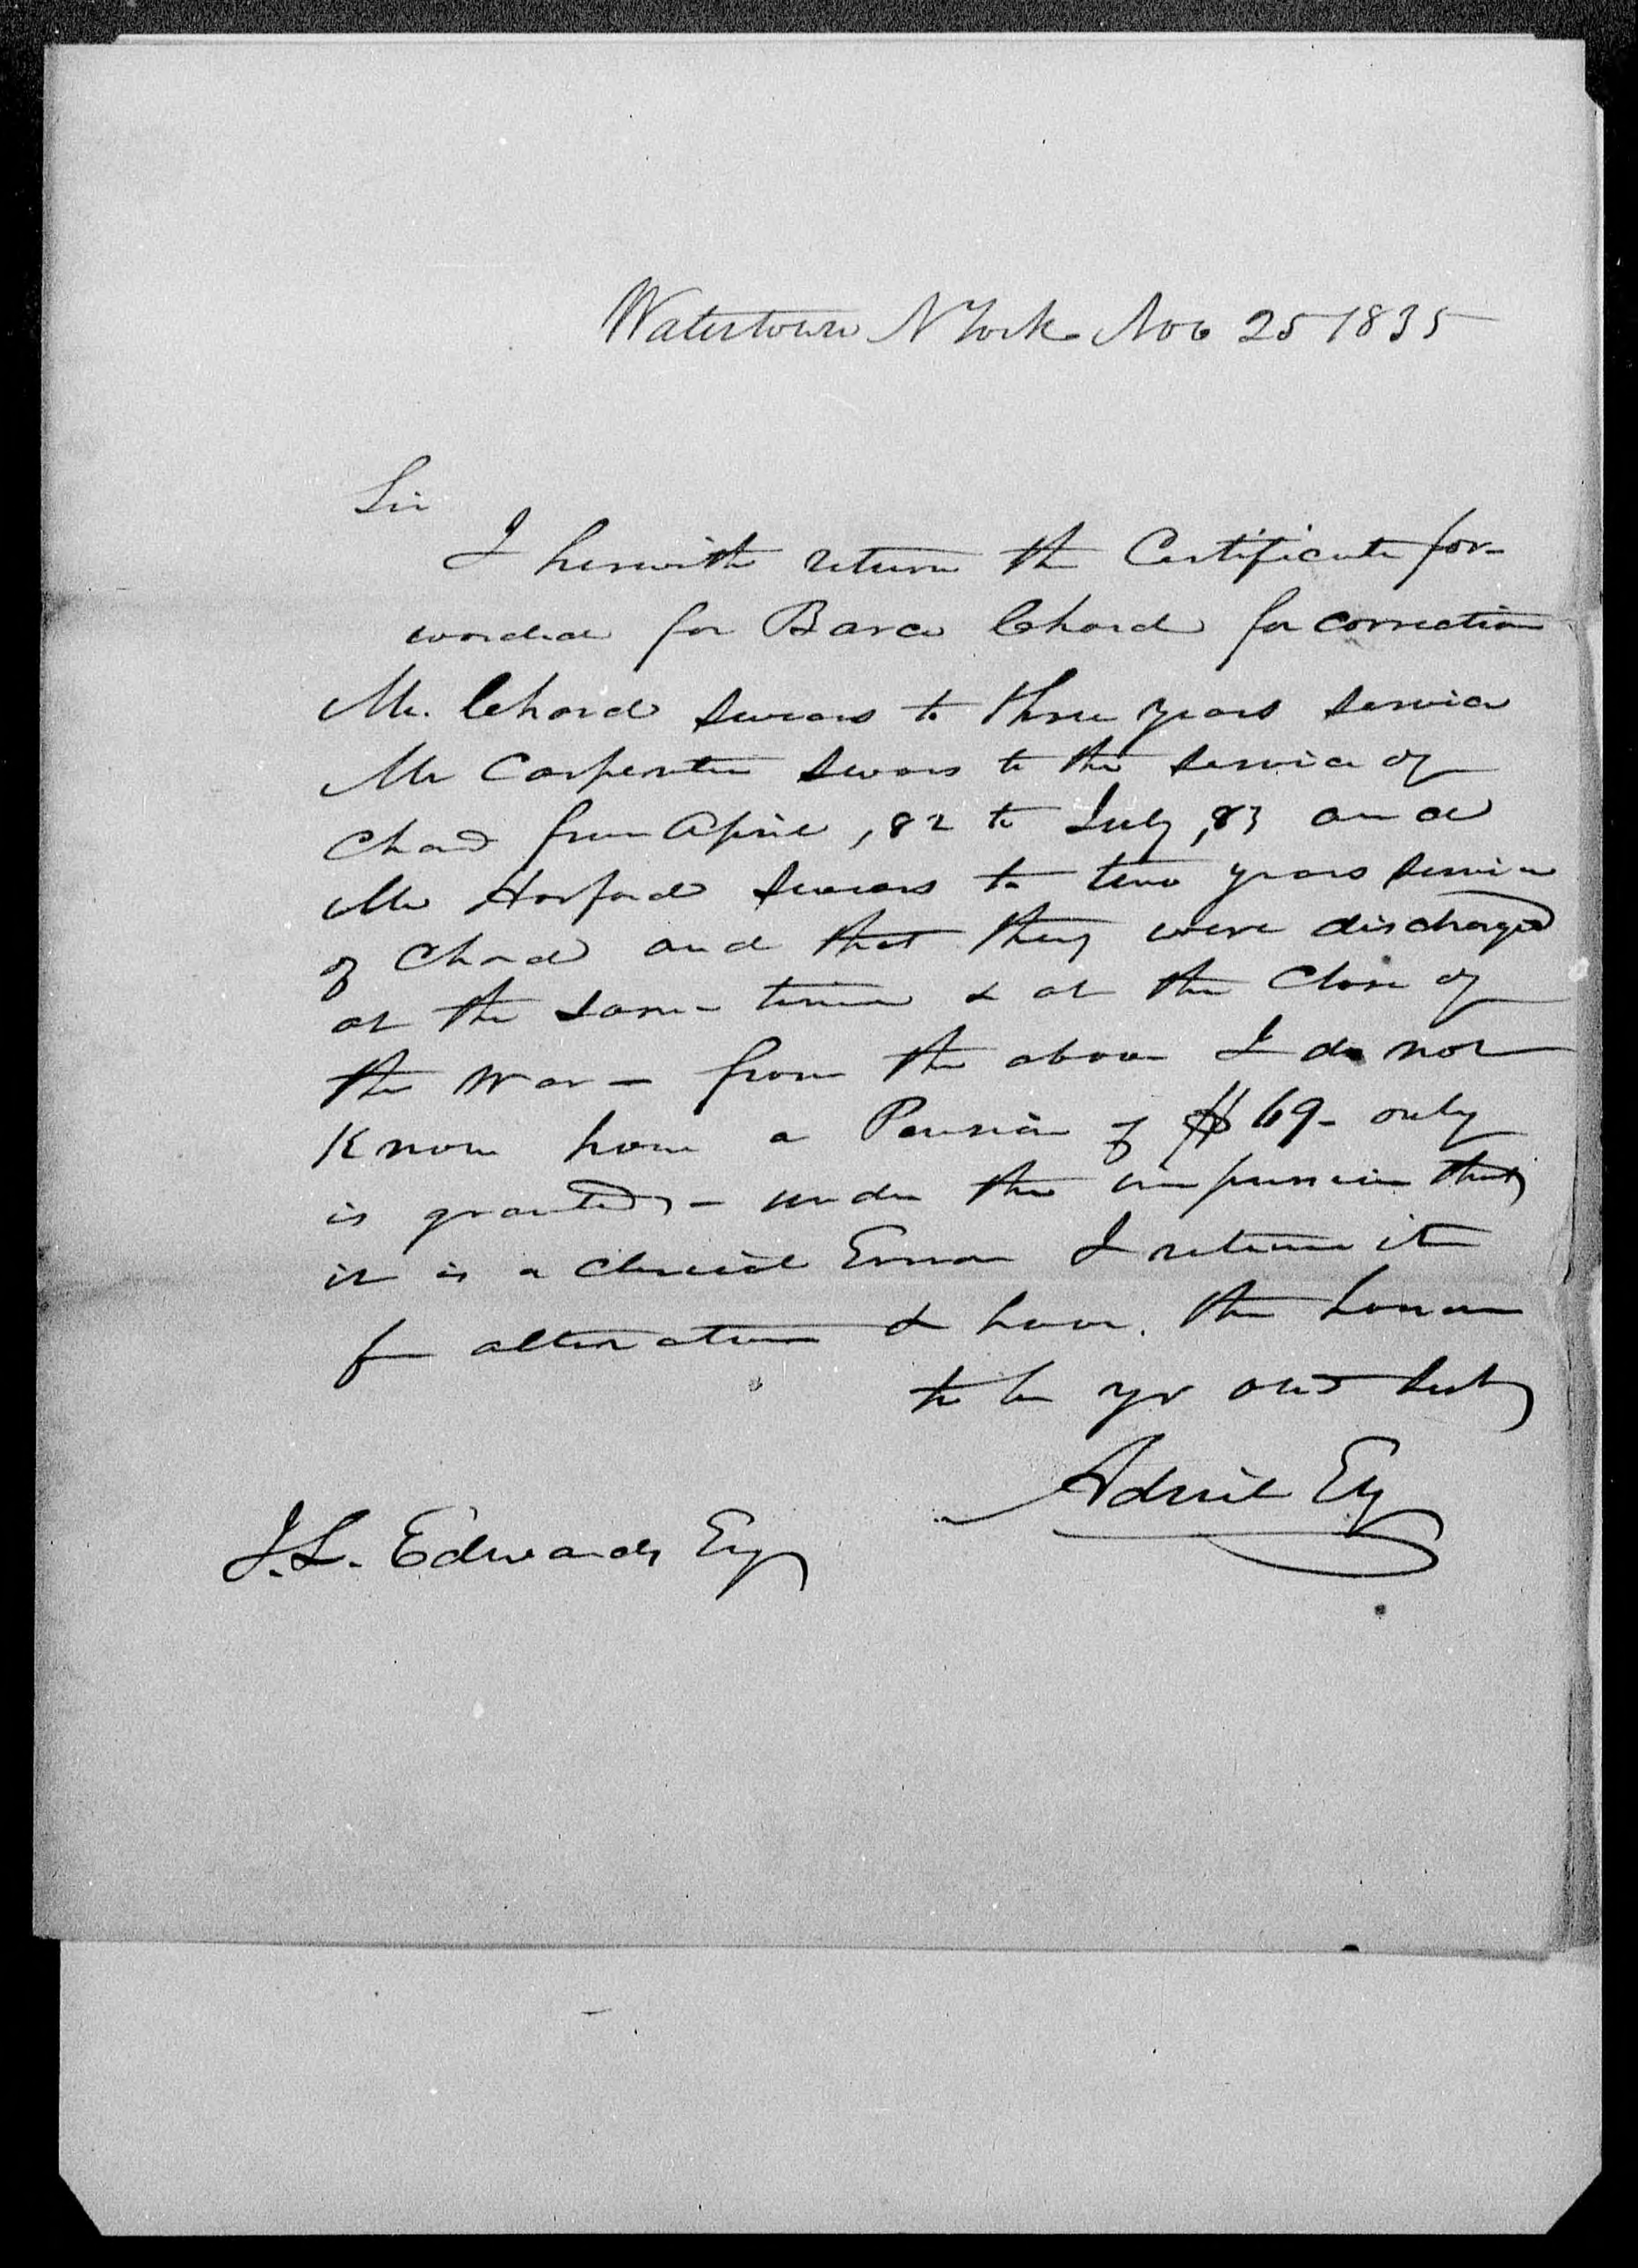Watertown N York Nov 25 1835

Sir 
I herewith return the Certificate forwarded for Barce Chard for correction 
Mr Chard Swears to three years Service Mr Carpenter Swears to the Service of Chard from April '82 to July '83 and Mr Harford Swears to two years service of Chard and that they were discharged of the same time & at the Close of the War - from the above I do not know how a Pension of $69. only is granted - under the impression that it is a direct Error I return it for alteration & have the honor 
to be your obt Servt
[Signed] Adriel Ely

J.L. Edwards Esq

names: Hosford, Chard, Carpenter, Adriel Ely, Barce Chard, J L Edwards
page: 26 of 47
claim: widow's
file: W. 10,602, Barce Chard, New York.